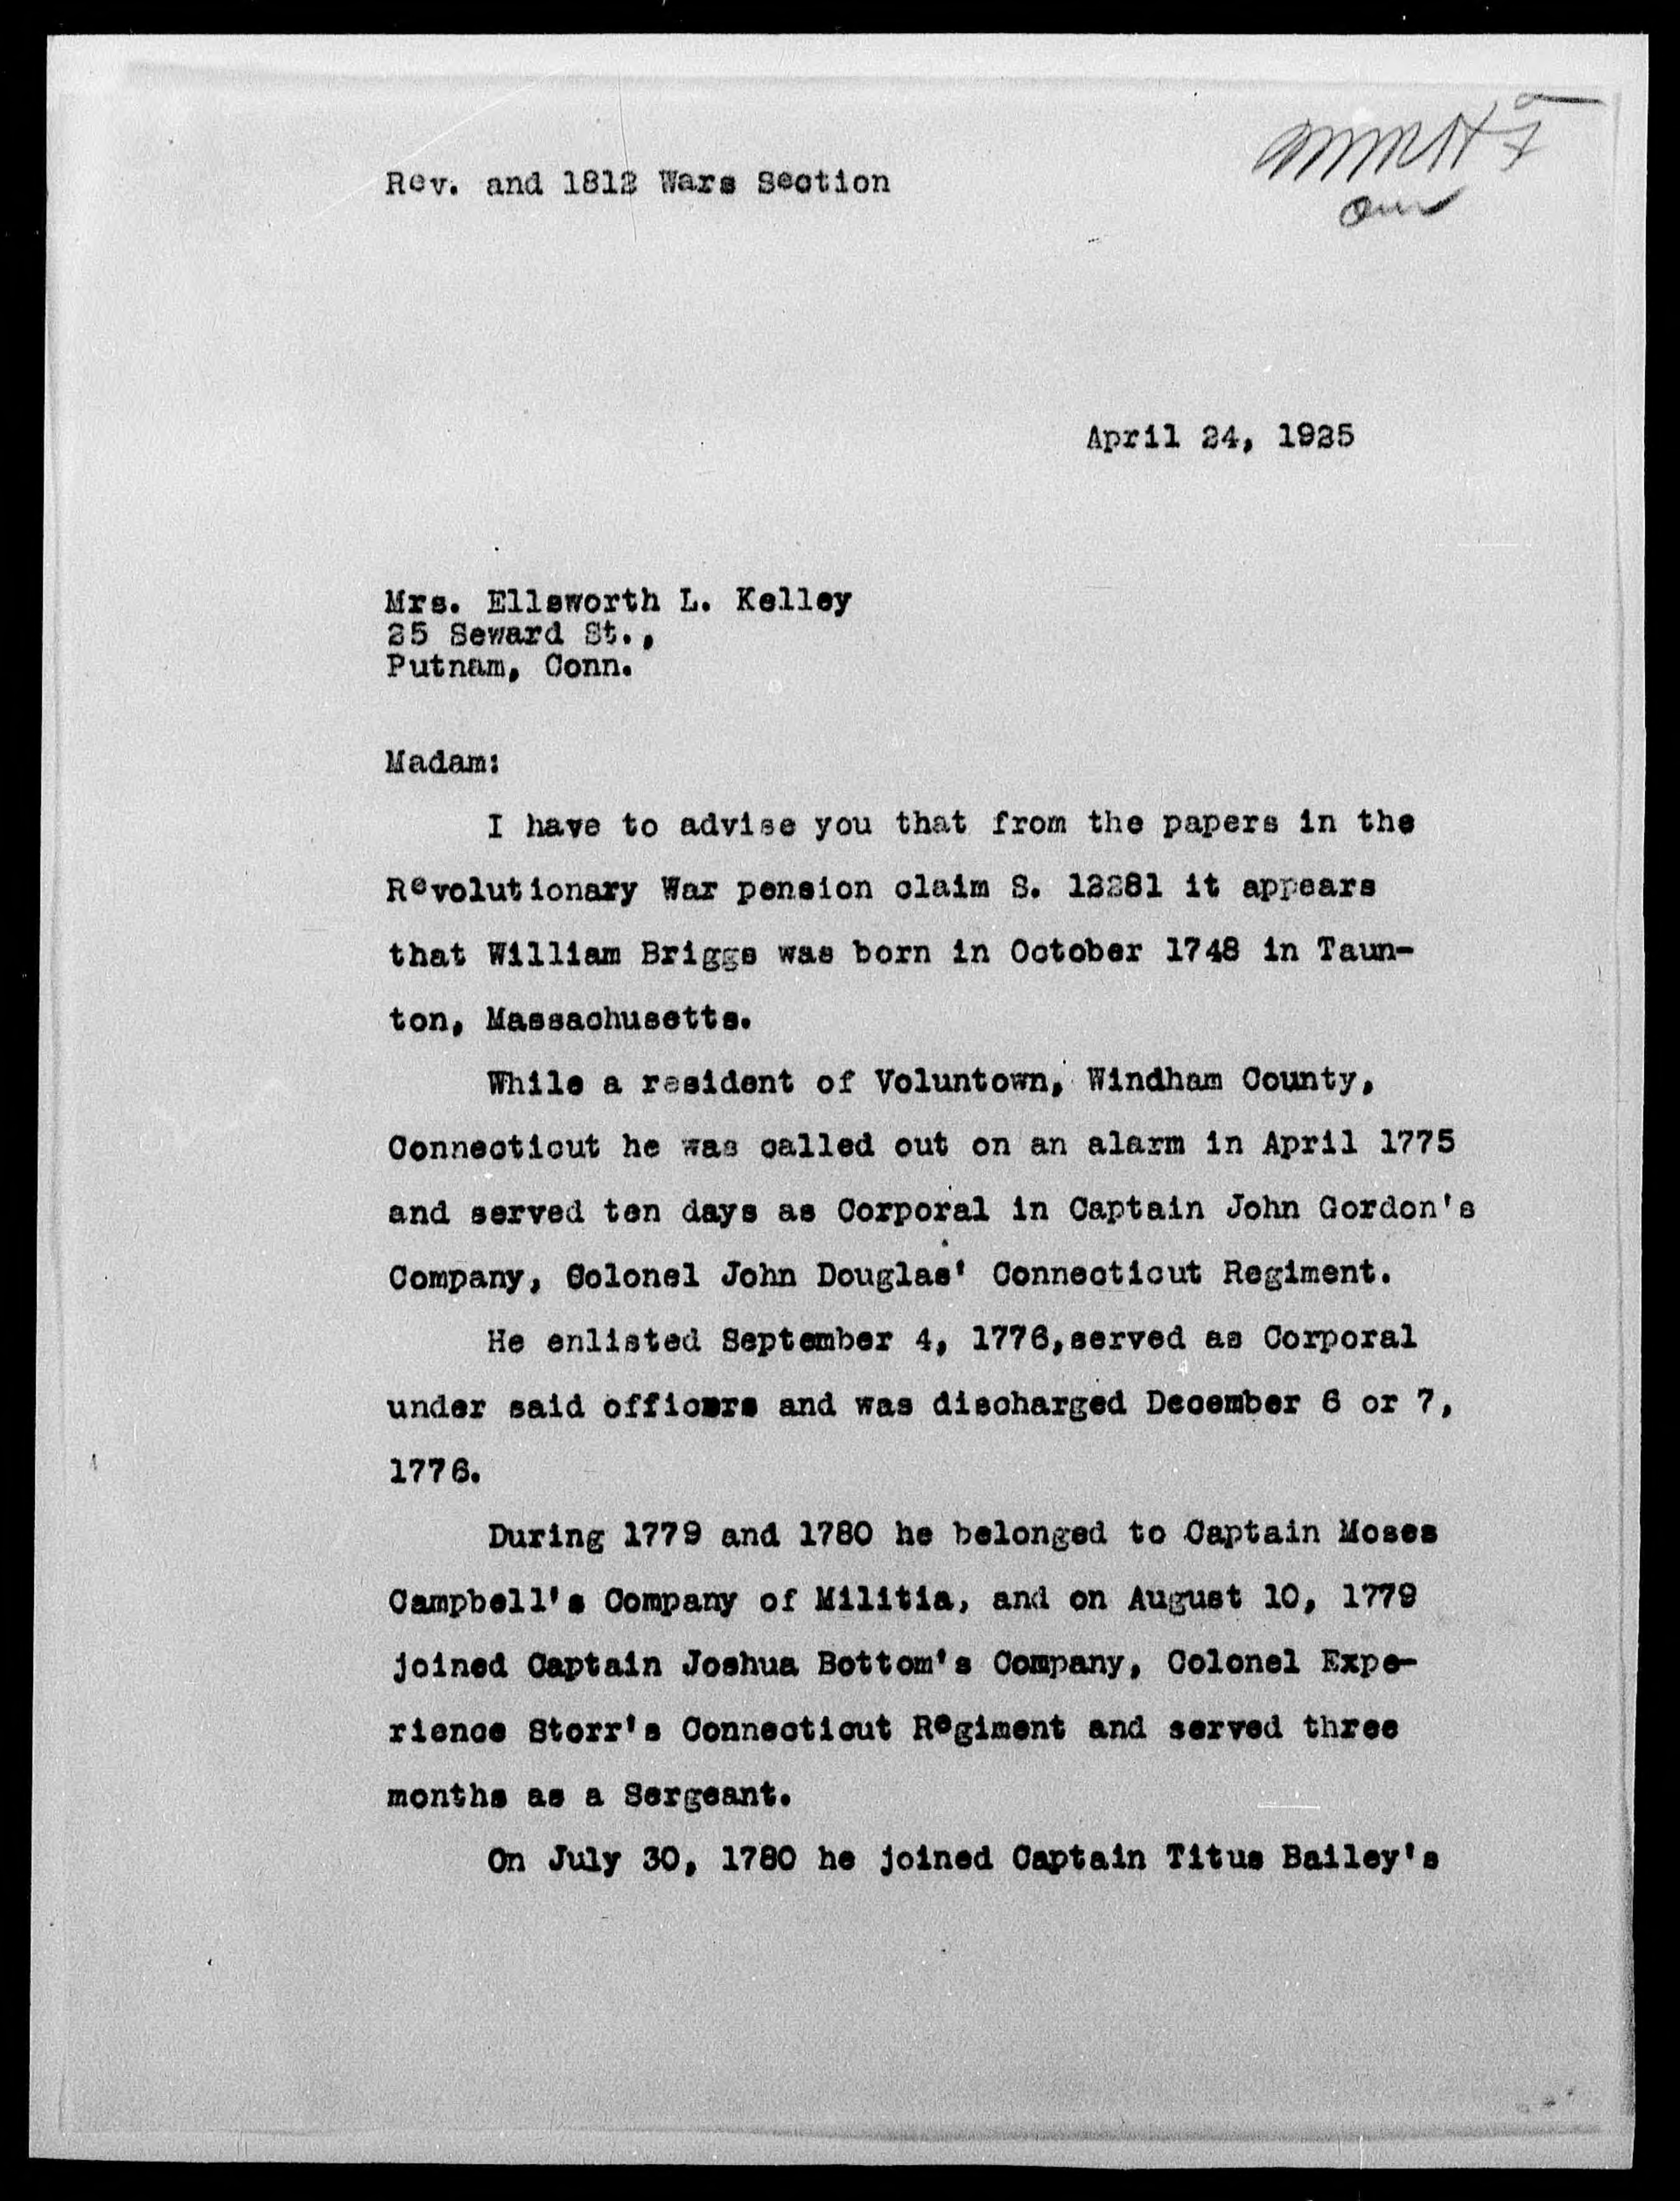MMHT [handwritten]
Our [handwritten]
Rev. and 1812 Wars Section 

April 24, 1925 

Mrs. Ellsworth L. Kelley 
25 Seward St., 
Putnam, Conn. 

Madam: 

I have to advise you that from the papers in the Revolutionary War pension claim S. 12281 it appears that William Briggs was born in October 1748 in Taunton , Massachusetts. 
While a resident of Voluntown, Windham County, Connecticut he was called out on an alarm in April 1775 and served ten days as Corporal in Captain John Gordon's Company, Colonel John Douglas' Connecticut Regiment. 
He enlisted September 4, 1776, served as Corporal under said officers and was discharged December 6 or 7, 1776. 
During 1779 and 1780 he belonged to Captain Moses Campbell's Company of Militia, and on August 10, 1779 joined Captain Joshua Bottom's Company, Colonel Experience Storr's Connecticut Regiment and served three months as a Sergeant. 
On July 30, 1780 he joined Captain Titus Bailey's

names: William Briggs, Ellsworth L Kelley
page: 10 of 37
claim: survivor's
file: S. 12,281, William Briggs, Conn.